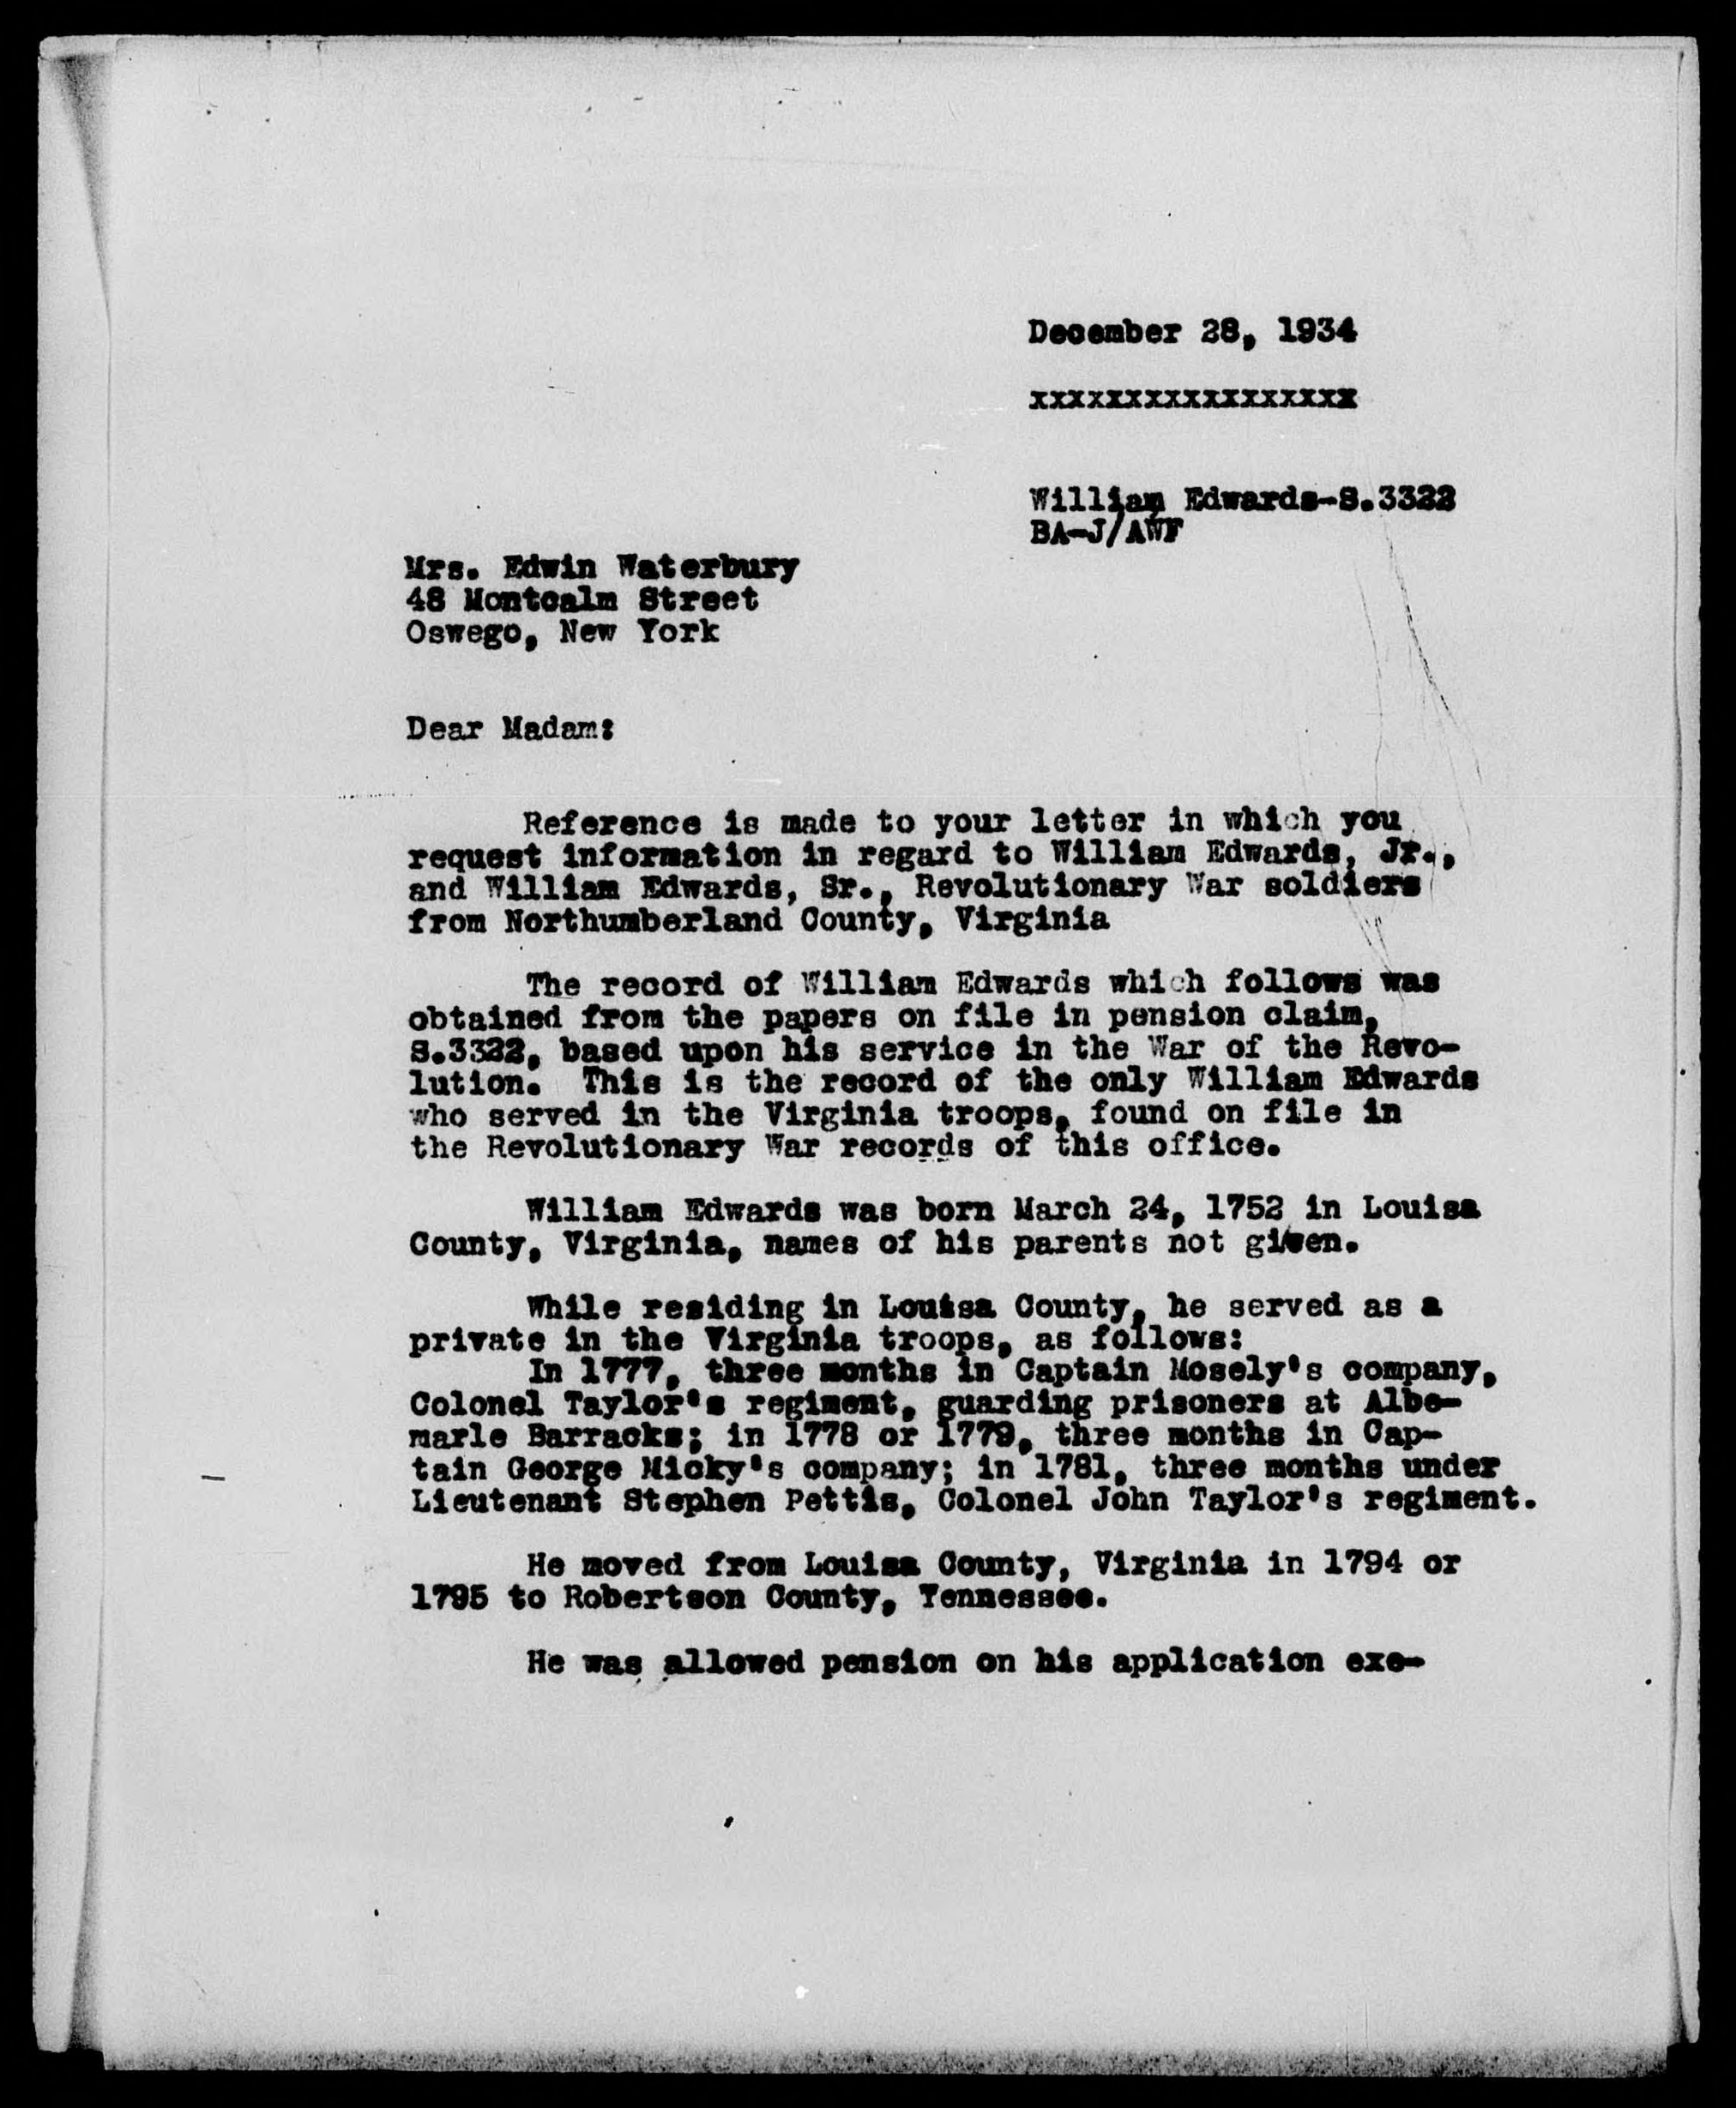December 28, 1934
xxxxxxxxxxxxxxxxxx
William Edwards-S. 3322
BA-J/AWF

Mrs. Edwin Waterbury
48 Montcalm Street
Oswego, New York

Dear Madam:

Reference is made to your letter in which you request information in regard to William Edwards, Jr., and William Edwards, Sr., Revolutionary War soldiers from Northumberland County, Virginia.

The record of William Edwards which follows was obtained from the papers on file in pension claim, S. 3322, based upon his service in the War of the Revolution. This is the record of the only William Edwards who served in the Virginia troops, found on file in the Revolutionary War records of this office.

William Edwards was born March 24, 1752 in Louisa County, Virginia. The names of his parents were not given.

While residing in Louisa County, he served as a private in the Virginia troops, as follows:
In 1777, three months in Captain Mosely's company, Colonel Taylor's regiment, guarding prisoners at Albemarle Barracks; in 1778 or 1779, three months in Captain George Micky's company; in 1781, three months under Lieutenant Stephen Pettis in Colonel John Taylor's regiment.

He moved from Louisa County, Virginia in 1794 or 1795, to Robertson County, Tennessee.

He was allowed pension on his application exe-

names: William Edwards, William Edwards, Stephen Pettis, William Edwards, William Edwards, William Edwards, William Edwards, Edwin Waterbury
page: 28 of 47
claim: survivor's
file: S. 3,322, William Edwards, Va.